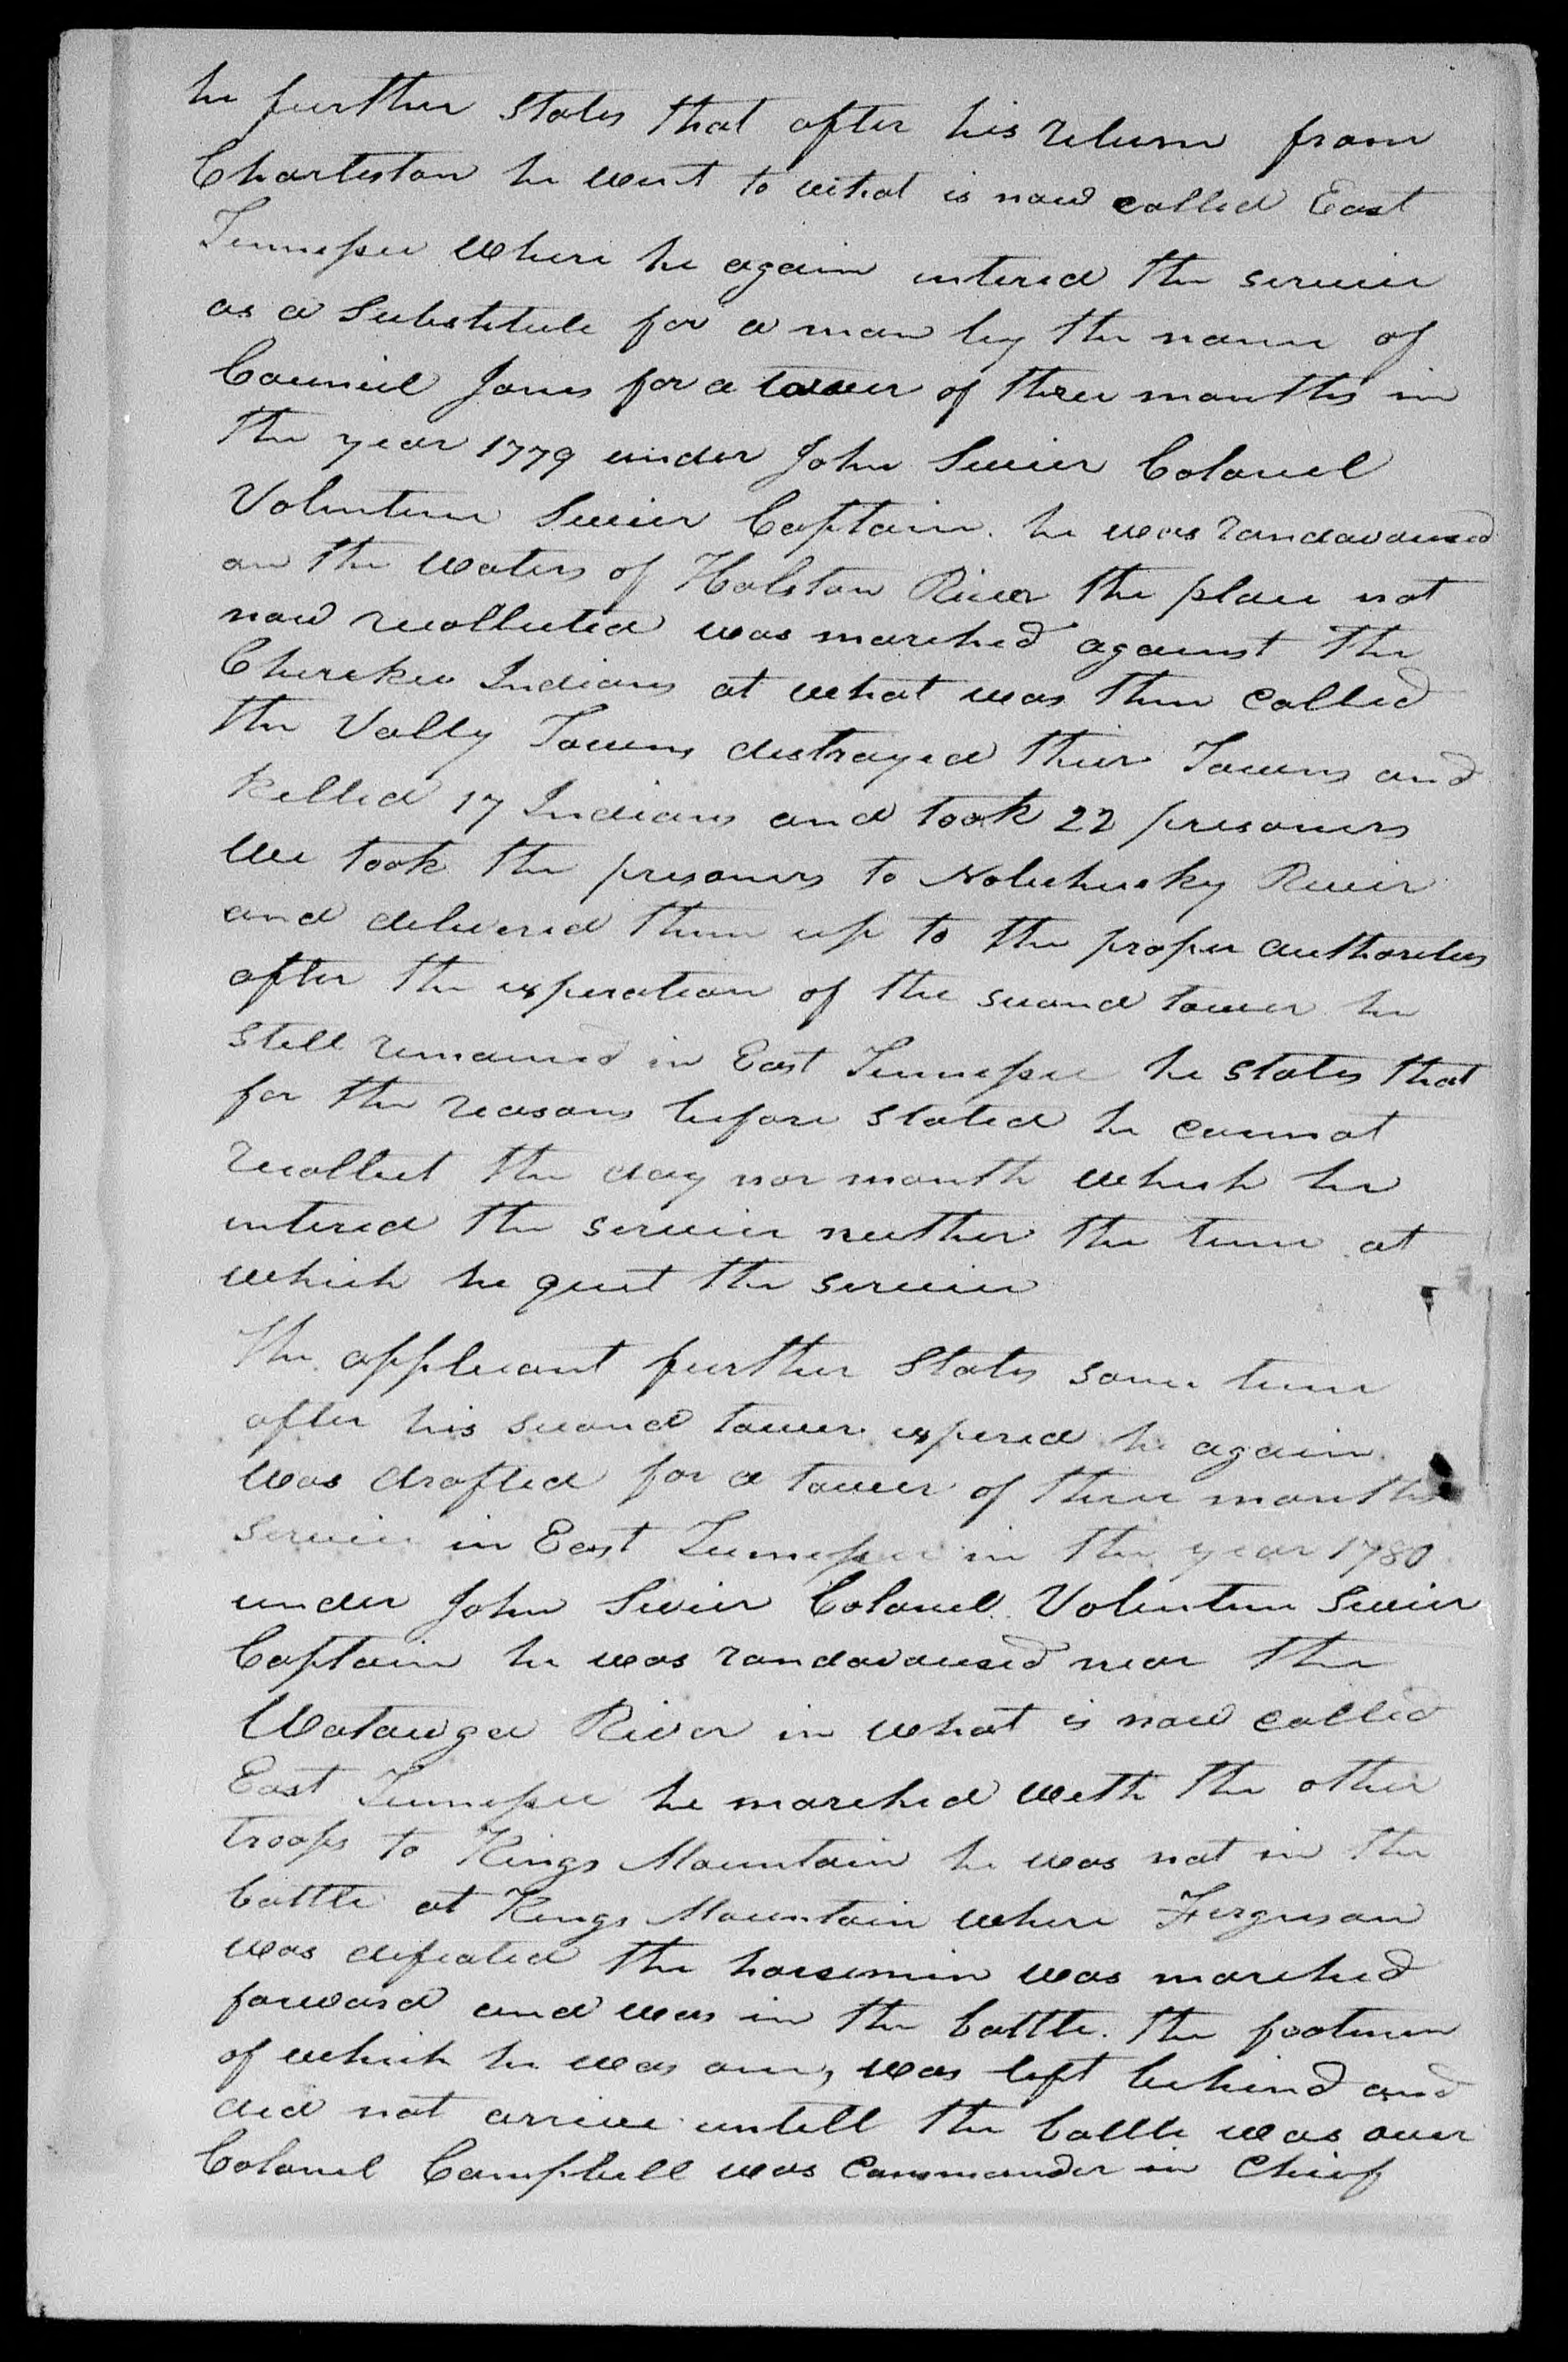State of Tennessee
Robertson County
On this third day of April 1833 personally
appeared before me Henry Fry one of the
acting Justices of the peace in and
for said County of Robertson Thomas
Hunter a resident of the County of Robertson
and State of Tennessee aged 70 years
who being first duly sworn according to
law doth on his Corporal Oath make
the following declaration in order to obtain
the benefit of the act of Congress passed
June 7th 1832
That he entered the service of the United States under the following named officers
and served as herein Stated
he states that he was drafted for a lower
of three months in the year 1778 in the
State of South Carolina Richland County
and entered the service under Robert
Gooden Colonel William Simmons Captain
and Joseph Culpepper Leland he was
marched to Charlston in the State of South Carolina
was stationed there untill his
term of service expired he was then dismissed
and sent have there was no regular officers
at Charlston during the time he was
stationed there he states that he has been
much afflicted ever since the revolutionary war
and for the last eighteen years severity
by reason of which together with old age
he cannot recollect the day and month
which he entered the service, neither
can he recollect the regiment to which he belonged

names: Valentine Swier; John Swier; [BLANK] Campbell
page: 5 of 19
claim: survivor's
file: S. 4411, for Thomas Hunter, North Carolina